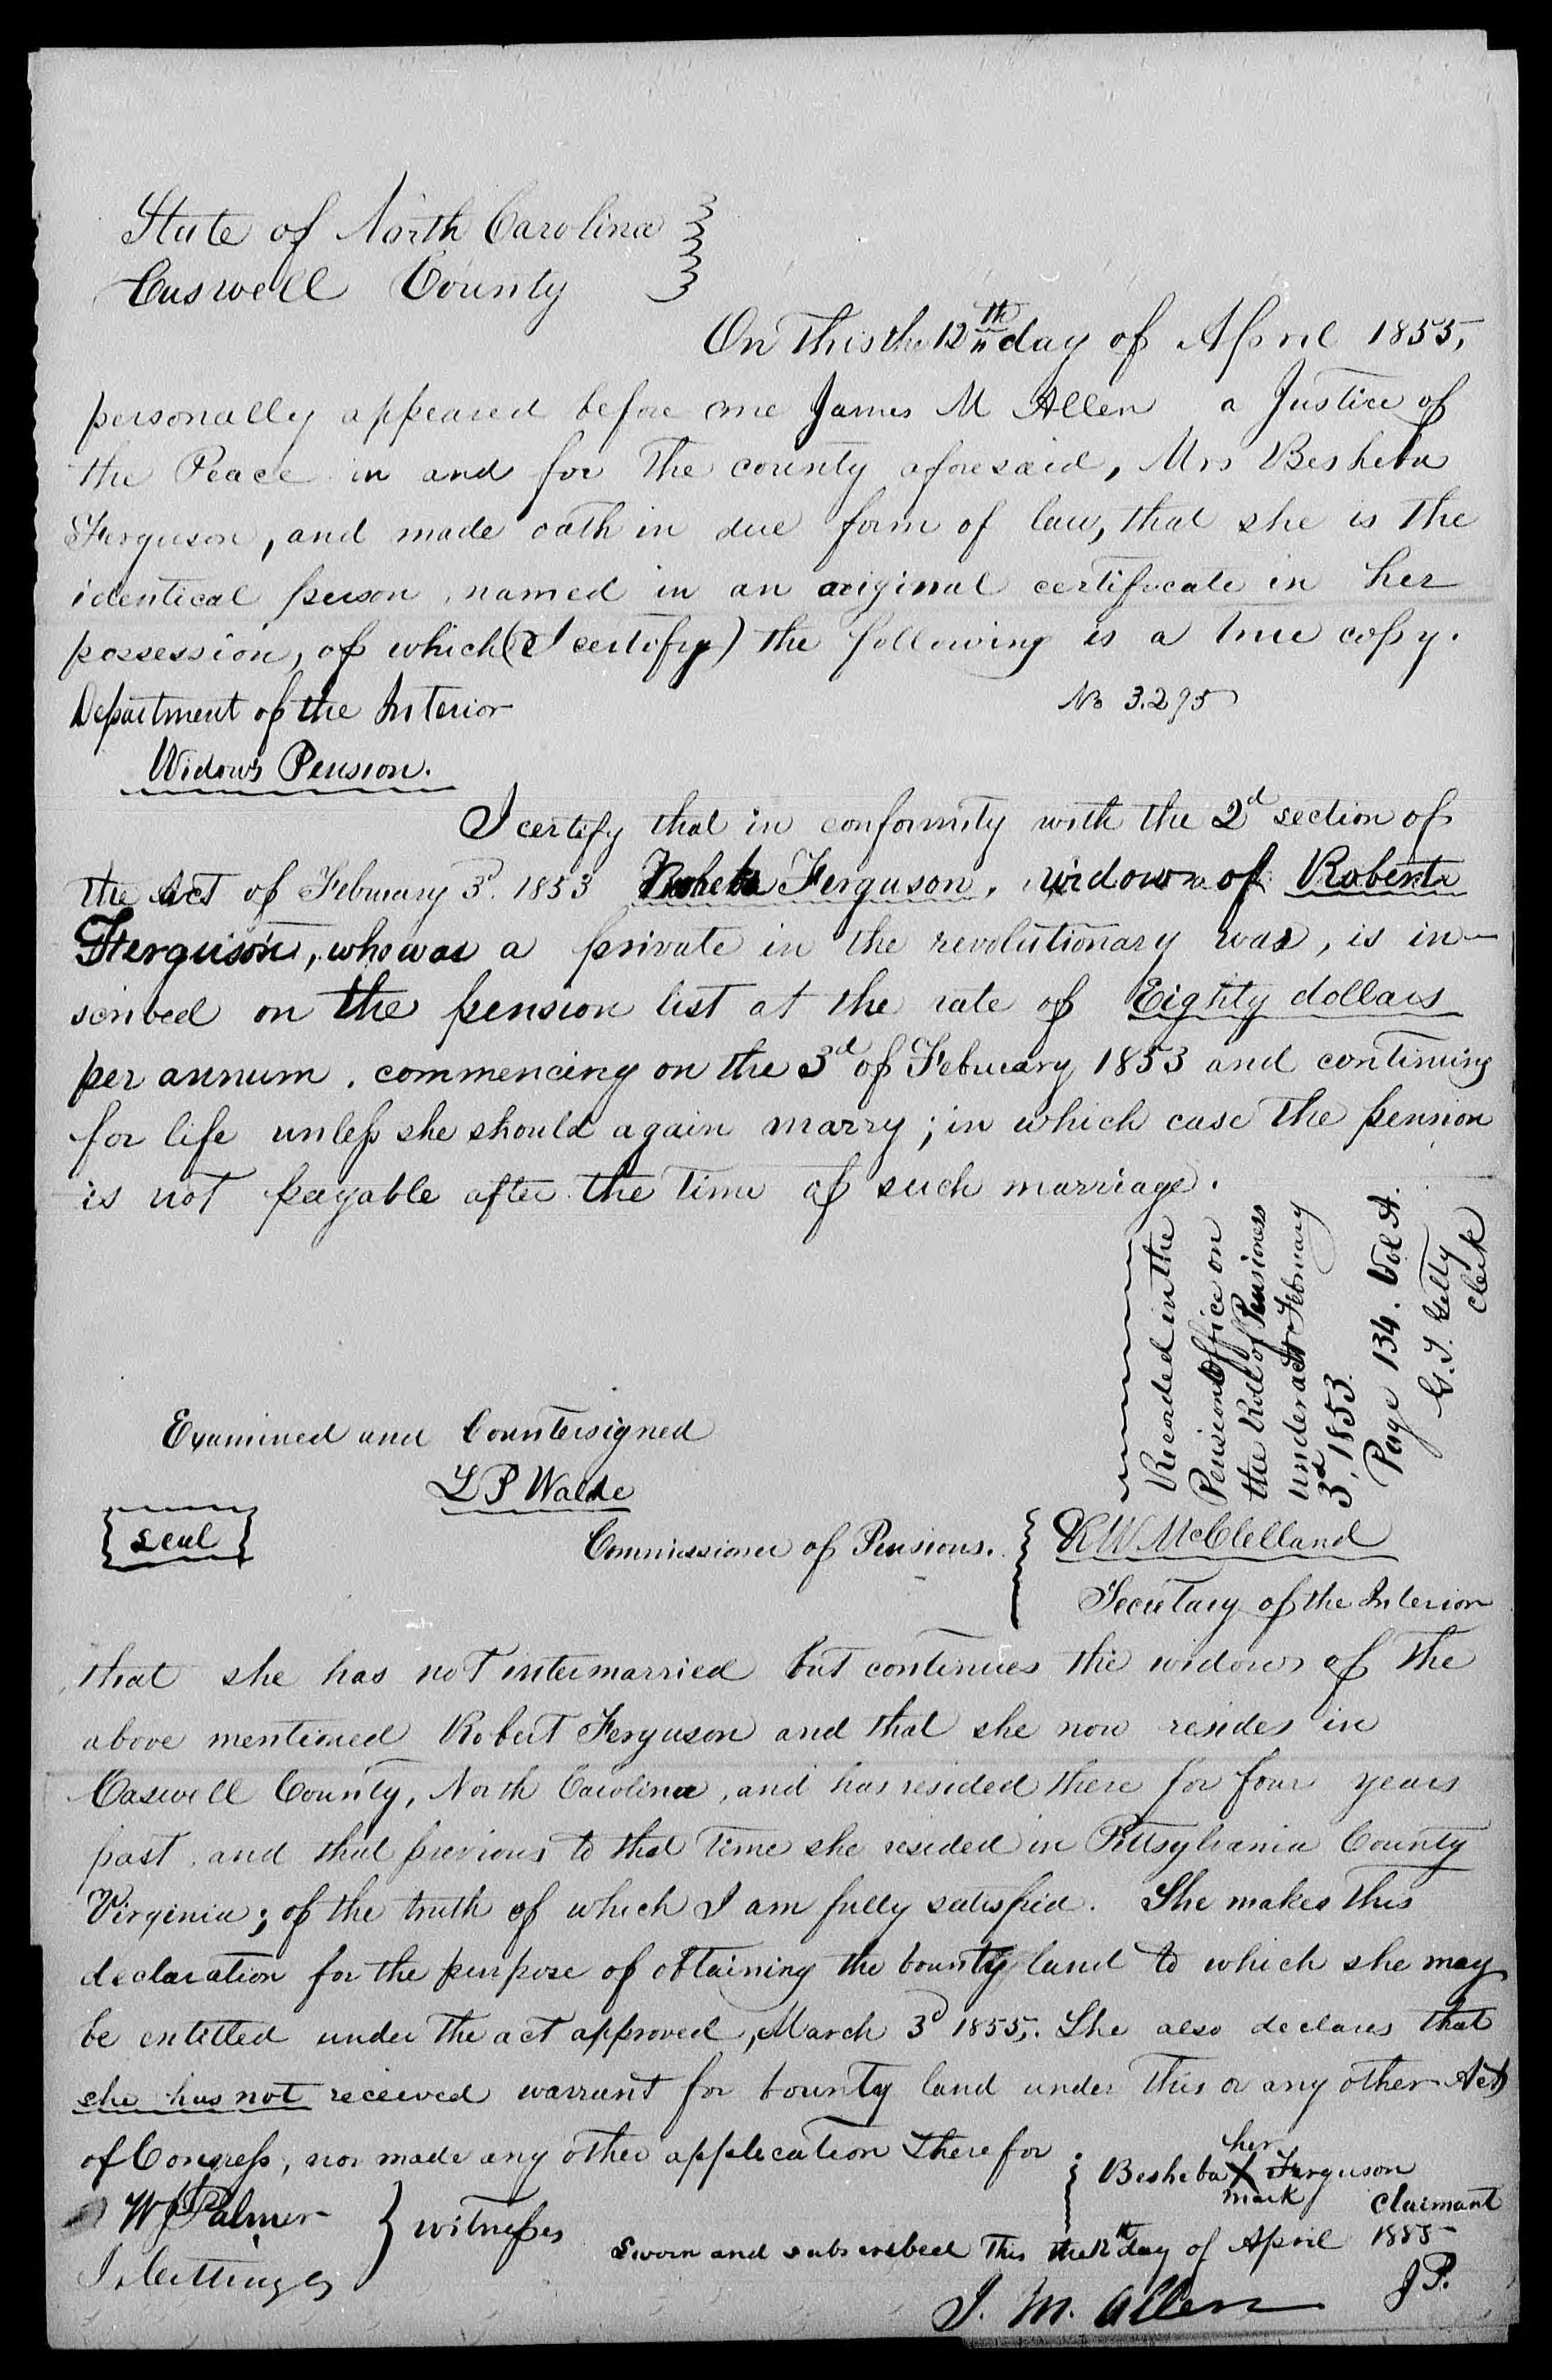State of North Carolina
Caswell County

On this the 12th day of April 1855, personally appeared before me James M. Allen a Justice of the Peace in and for the county aforesaid, Mrs. Besheba Ferguson, and made oath in due form of law, that she is the identical person, named in an original certificate in her possession, of which (I certify) the following is a true copy.
Department of the Interior
Widows Pension
No. 3,275

I certify that in conformity with the 2d section of the Act of February 3, 1853, Besheba Ferguson, widow of Robert Ferguson, who was a private in the revolutionary war, is inscribed on the pension list at the rate of Eighty dollars per annum, commencing on the 3rd of February 1853 and continuing for life unless she should again marry; in which case the pension is not payable after the time of such marriage.

Examined and Countersigned
L.P. Walde
Commissioner of Pensions

R.W. McClelland
Secretary of the Interior

That she has not intermarried but continues the widow of the above mentioned Robert Ferguson and that she now resides in Caswell County, North Carolina, and has resided there for four years past, and that previous to that time she resided in Pittsylvania County Virginia; of the truth of which I am fully satisfied. She makes this declaration for the purpose of obtaining the bounty land to which she may be entitled under the act approved March 3d 1855. She also declares that she has not received warrant for bounty land under this or any other Act of Congress, nor made any other application therefor. 
Besheba (her mark) Ferguson, claimant
W.J. Palmer / illegible witnesses

Sworn and subscribed this the 12th day of April 1855
J.M. Allen  J.P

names: W J Palmer, Robert Ferguson, Besheba Ferguson, James M Allen, L P Waldo, J M Allen, R W Mc Clelland, Robert Ferguson, Robert Ferguson, Besheba Ferguson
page: 10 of 81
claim: widow's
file: W. 7262, Robert Ferguson, Va.